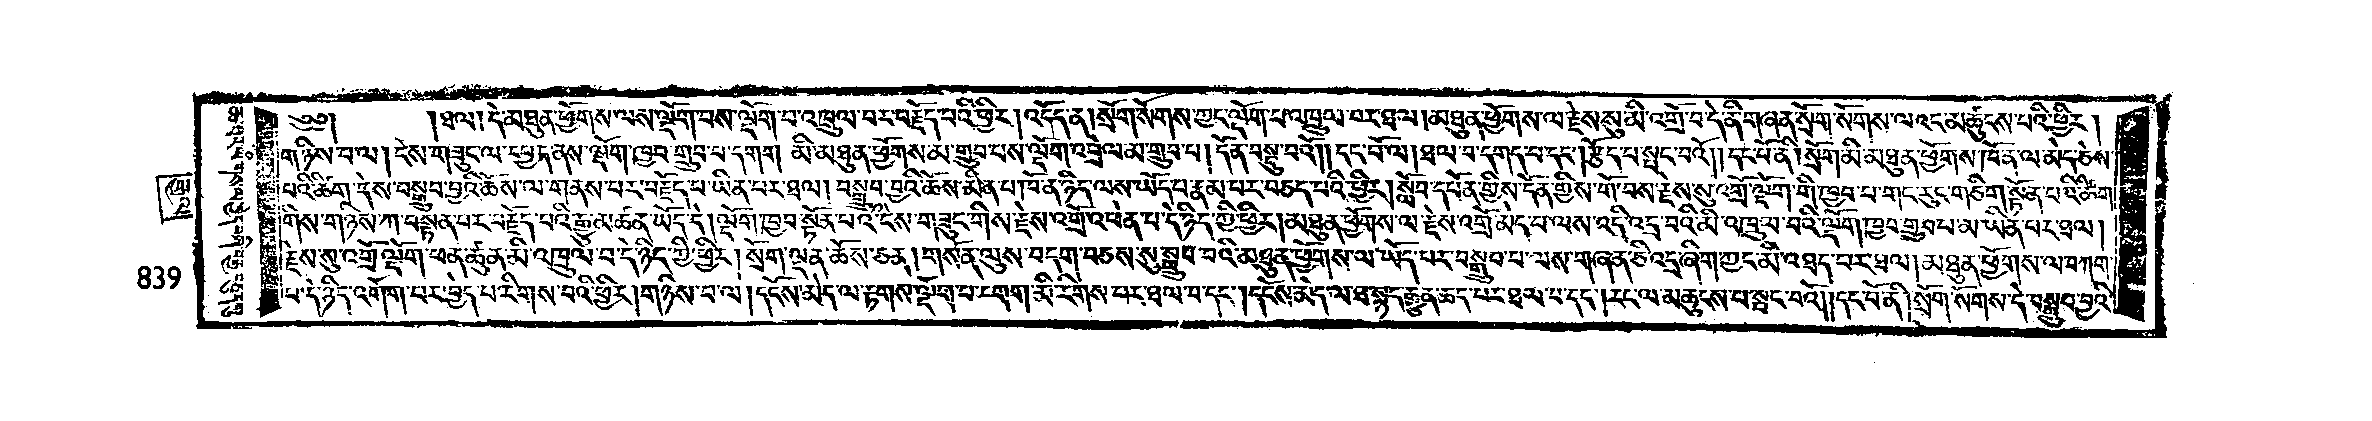༄༅། །ཐལ། དེ་མཐུན་ཕྱོགས་ལས་ལྡོག་པས་ལྡོག་པ་འཁྲུལ་བར་བརྗོད་པའི་ཕྱིར། འདོད་ན། སྲོག་སོགས་ཀྱང་ལྡོག་པ་འཁྲུལ་བར་ཐལ། མཐུན་ཕྱོགས་ལ་རྗེས་སུ་མི་འགྲོ་བ་དེ་ནི་གཞན་སྲོག་སོགས་ལའང་མཚུངས་པའི་ཕྱིར།
གཉིས་པ་ལ། ངེས་གཟུང་ལ་དཔྱད་ནས་ལྡོག་ཁྱབ་གྲུབ་པ་དགག་མི་མཐུན་ཕྱོགས་མ་གྲུབ་པས་ལྡོག་འབྲེལ་མ་གྲུབ་པ། དོན་བསྡུ་བའོ། །དང་པོ་ལ། ཐལ་བ་དགོད་པ་དང་། རྩོད་པ་སྤང་བའོ། །དང་པོ་ནི། སྲོག་མི་མཐུན་ཕྱོགས་ཁོ་ན་ལ་མེད་ཅེས་
པའི་ཚིག་དེས་བསྒྲུབ་བྱའི་ཆོས་ལ་གནས་པར་བརྗོད་པ་ཡིན་པར་ཐལ། བསྒྲུབ་བྱའི་ཆོས་མིན་པ་ཁོ་ན་ཉིད་ལས་ཡོད་པ་རྣམ་པར་བཅད་པའི་ཕྱིར། སློབ་དཔོན་གྱིས་གོ་བས་རྗེས་སུ་འགྲོ་ལྡོག་གི་ཁྱབ་པ་གང་རུང་གཅིག་སྟོན་པའི་ཚིག་
གིས་གཉིས་ཀ་བསྟན་པར་བརྗོད་པའི་རྒྱུ་མཚན་ཡོད་དེ། ལྡོག་ཁྱབ་སྟོན་པའི་ངེས་གཟུང་གི་རྗེས་འགྲོ་འཕེན་པ་དེ་ཉིད་ཀྱི་ཕྱིར། མཐུན་ཕྱོགས་ལ་རྗེས་འགྲོ་མེད་པ་ལས་འདི་འདྲ་བའི་མི་འཁྲུལ་བའི་ལྡོག་ཁྱབ་གྲུབ་པ་མ་ཡིན་པར་ཐལ།
རྗེས་སུ་འགྲོ་ལྡོག་ཕན་ཚུན་མི་འཁྲུལ་བ་དེ་ཉིད་ཀྱི་ཕྱིར། སྲོག་ལྡན་ཆོས་ཅན། གསོན་ལུས་བདག་བཅས་སུ་སྒྲུབ་པའི་མཐུན་ཕྱོགས་ལ་ཡོད་པར་བསྒྲུབ་པ་ལས་གཞན་ཅི་འདྲ་ཞིག་ཀྱང་མི་འཐད་པར་ཐལ། མཐུན་ཕྱོགས་ལ་བཀག་
པ་དེ་ཉིད་འགོག་པར་བྱེད་པ་རིགས་པའི་ཕྱིར། གཉིས་པ་ལ། དངོས་མེད་ལ་རྟགས་ལྡོག་པ་དགག་མི་རིགས་པར་ཐལ་བ་དང་། དངོས་མེད་ལ་ཐ་སྙད་རྒྱུན་ཆད་པར་ཐལ་པ་དང་། རང་ལ་མཚུངས་པ་སྤང་བའོ། །དང་པོ་ནི། སྲོག་སོགས་དེ་བསྒྲུབ་བྱའི་